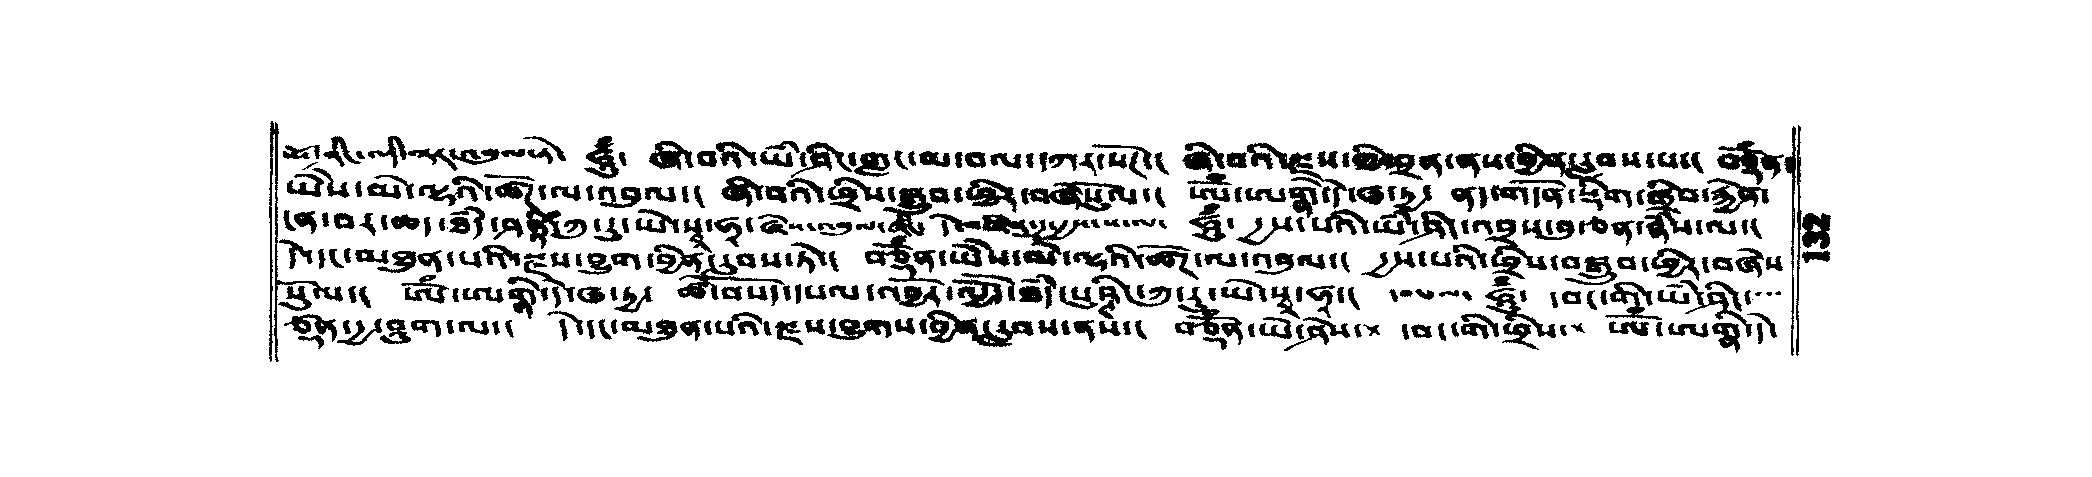ཡམ་ཤིང་འདི་ལྟར་འབུལ་ཏེ། ཞི་བའི་ཡམ་ཤིང་གླང་བ་བལ་དཀར་སོགས། །ཞི་བའི་རྫས་ཀྱི་བྲན་ནས་བྱིན་རླབས་པ། ། བཅོམ་ལྡན་
ཡེ་ཤེས་མེ་ལྷའི་ཚོགས་ལ་འབུལ། །ཞི་བའི་ཕྲིན་ལས་སྒྲུབ་ཕྱིར་བཞེས་སུ་གསོལ། །ཨོྃ་ཨགྣེ་དེ་ཝ་ཏྱ།ནད་གདོན་སྡིག་སྒྲིབ་རྐྱེན་
ངན་བར་ཆད་ཐམས་ཅད་ཤནྟིཾ་ཀུ་རུ་ཡེ་སྭཱ་ཧཱ། ཞེས་འབུལ་ཞིང་དེ་བཞིན་དུ་རྒྱས་པ་ལ། རྒྱས་པའི་ཡམ་ཤིང་འབྲས་བུ་ཅན་རྣམས་ལ། །
དེ་དང་མཐུན་པའི་རྫས་བྱུག་བྱིན་རླབས་ཏེ། །བཅོམ་ལྡན་ཡེ་ཤེས་མེ་ལྷའི་ཚོགས་ལ་འབུལ། །རྒྱས་པའི་ཕྲིན་ལས་བསྒྲུབ་ཕྱིར་བཞེས་
སུ་གསོལ། །ཨོ་ཨགྣེ་དེ་ཝ་ཏྱ། ཚེ་བསོད་དཔལ་འབྱོར་ལོངས་སྤྱོད་ཐམས་ཅད་པུཥྚིང་ཀུ་རུ་ཡེ་སྭཱ་ཧཱ། དབང་ལ། ཧཱུྃ། དབང་གི་ཡམ་ཤིང་
ཙན་དན་རྒྱ་ཤུག་ལ། །དེ་དང་མཐུན་པའི་རྫས་བྱུག་བྱིན་རླབས་ནས། །བཅོམ་ལྡན་ཡེ་ཤེས་༴ དབང་གི་ཕྲིན་ལས་༴ ཨོྃ་ཨགྣི་དེ་